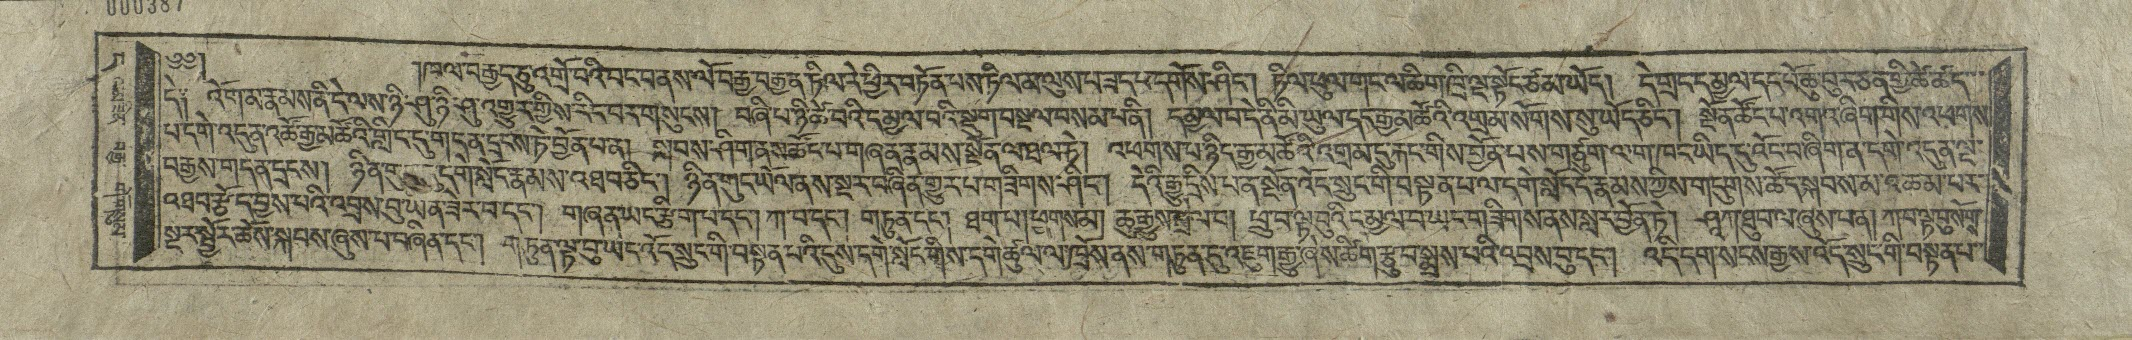༄༅། །ཁལ་བརྒྱད་ཅུ་འགྲོ་བའི་བང་བ་ནས་ལོ་བརྒྱ་བརྒྱ་ན་ཏིལ་རེ་ཕྱིར་བཏོན་པས་ཏིལ་མ་ལུས་པ་ཟད་པ་དགོས་ཤིང་། ཏིལ་ཕུལ་གང་ལ་ཆིག་ཁྲི་ལྔ་སྟོང་ཙམ་ཡོད། དེ་གྲང་དམྱལ་དང་པོ་ཆུ་བུར་ཅན་གྱི་ཚེ་ཚད་
དེ༑ འོག་མ་རྣམས་ནི་དེ་ལས་ཉི་ཤུ་ཉི་ཤུ་འགྱུར་གྱིས་རིང་བར་གསུངས། བཞི་པ་ཉི་ཚེ་བའི་དམྱལ་བའི་སྡུག་བསྔལ་བསམ་པ་ནི། དམྱལ་བ་དེ་ནི་མི་ཡུལ་དང་རྒྱ་མཚོའི་འགྲམ་སོགས་སུ་ཡོད་ཅིང་། སྔོན་ཚོང་པ་འགའ་ཞིག་གིས་འཕགས་
པ་དགེ་འདུན་འཚོ་རྒྱ་མཚོའི་གླིང་དུ་གདན་དྲངས་ཏེ་བྱོན་པ་ན། སྐབས་ཤིག་ནས་ཚོང་པ་གཞན་རྣམས་སྔོན་ལ་ཐལ་ཏེ། འཕགས་པ་ཉིད་རྒྱ་མཚོའི་འགྲམ་དུ་རྐང་གིས་བྱོན་པས་གཙུག་ལག་ཁང་ཡིད་དུ་འོང་བ་ཞིག་ན་དགེ་འདུན་ལྔ་
བརྒྱས་གདན་དྲངས། ཉིན་གུང་དུ་དགེ་སློང་རྣམས་འཐབ་ཅིང་། ཉིན་གུང་ཡོལ་ནས་སྔར་བཞིན་གྱུར་པ་གཟིགས་ཤིང་། དེའི་རྒྱུ་དྲིས་པ་ན་སྔོན་འོད་སྲུང་གི་བསྟན་པ་ལ་དགེ་སློང་དེ་རྣམས་ཀྱིས་གདུགས་ཚོད་སྐབས་མ་འཆམ་པར་
འཐབ་རྩོད་བྱས་པའི་འབྲས་བུ་ཡིན་ཟེར་བ་དང་། གཞན་ཡང་རྩིག་པ་དང་། ཀ་བ་དང་། གཏུན་དང་། ཐག་པ། ཕྱགས་མ། ཆུ་རྒྱུས་སྦྲེལ་བ། ཕྲུ་བ་ལྟ་བུའི་དམྱལ་བ་ཡང་གཟིགས་ནས་སླར་བྱོན་ཏེ། ཤཱཀ་ཐུབ་ལ་ཞུས་པ་ན། ཀ་བ་ལྟ་བུ་སོགས་
སྔར་སྦྱོར་ཆོས་སྐབས་ཞུས་པ་བཞིན་དང་། གཏུན་ལྟ་བུ་ཡང་འོད་སྲུང་གི་བསྟན་པའི་དུས་དགེ་སློང་གིས་དགེ་ཚུལ་ལ་ཁྲོས་ནས་གཏུན་དུ་འཇུག་རྒྱུ་ཞེས་ཚིག་རྩུབ་སྨྲས་པའི་འབྲས་བུ་དང་། འདི་དག་སངས་རྒྱས་འོད་སྲུང་གི་བསྟན་པ་